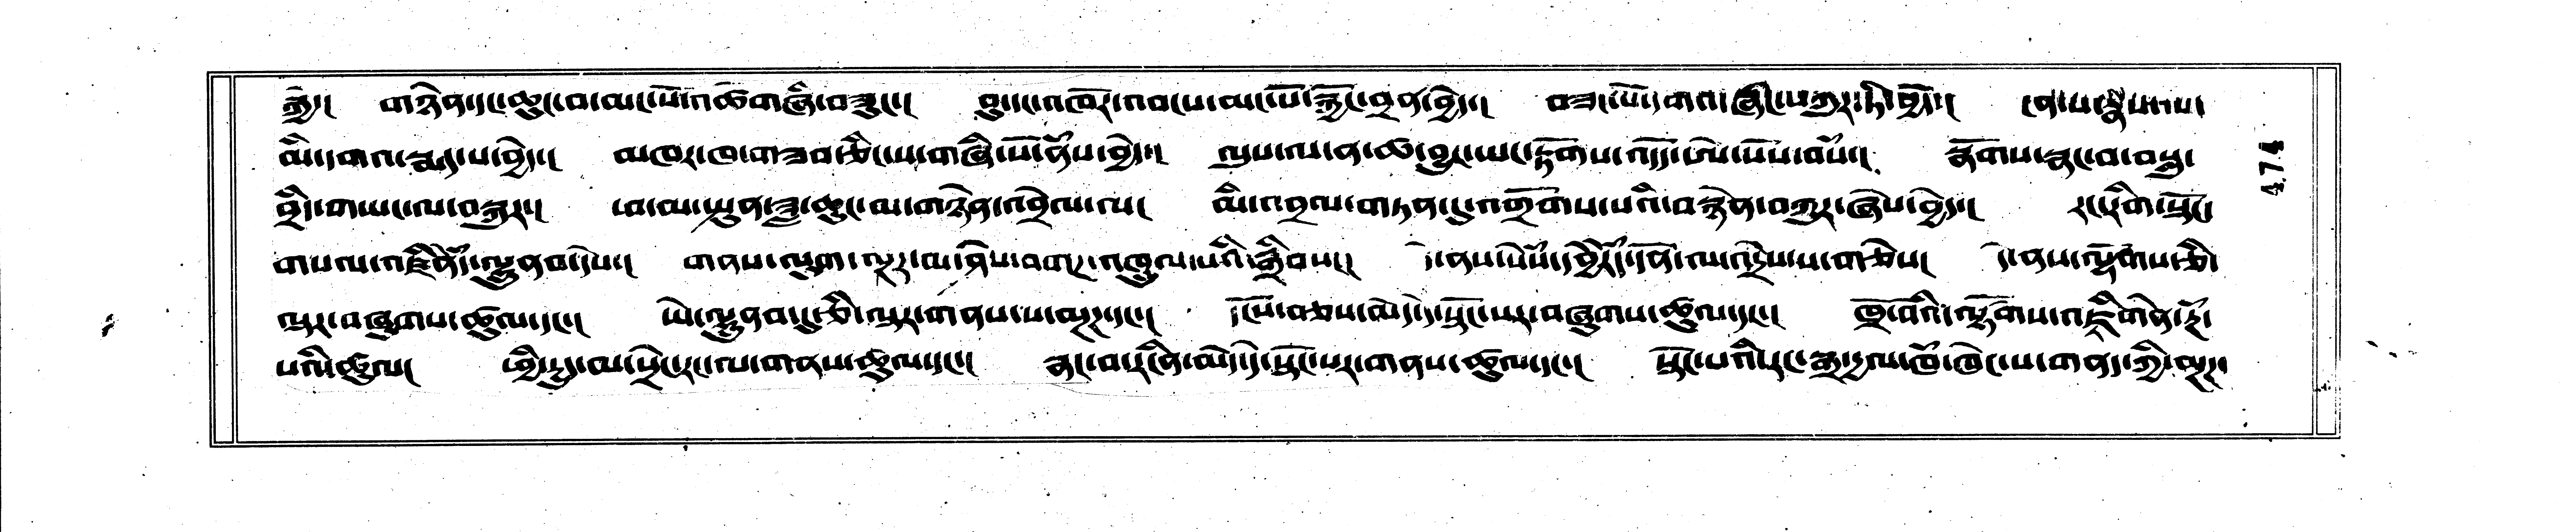སྐྱེ། གཉེན་དང་ཆུང་མ་མང་པོའི་འཚོགས་གཞི་བཟུང་། བུ་དང་འཁོར་འབངས་མང་པོ་སྐྱོང་བྲན་བྱེད། བཟང་པོ་རྣམས་ལ་དགའ་ཞིང་བཀུར་ཏི་༼བསྟི༽བྱེད། ངན་པ་རྣམས་ལ་
མི་དགའ་སྨད་པ་བྱེད། མཁར་ཁང་གཟབ་ཅིང་ས་ཞིང་སོ་ནམ་བྱེད། ལུས་ལ་ན་ཚ་བྱུང་ཡང་རྟགས་༼རྟག༽འདོད་ཨེ་སོས་བསམ། སྣ་ཚོགས་སྣང་བ་བསླུ་
བྲིད་གཡང་ལ་བསྐུར། ཕ་མ་སྤུན་ཟླ་ཆུང་མ་གཉེན་འབྲེལ་ལ། མི་འབྲལ་གཏན་དུ་འགྲོགས་བསམ་བསྙེན་བསྐུར་ཞེ་ས་བྱེད། རང་རིག་སྟོང་
གསལ་འཛིན་མེད་ལྷུན་གྲུབ་དེ། གནས་ལུག་མེ་ངག་མ་ཤེས་བག་ཆགས་འཁྲུལ་པས་སྒྲིབ། དེ་ནས་སྣང་སེམས་དབྱེར་མེད་དོན་ལ་འདྲིས་པ་ཅེས། ད་ནི་’དང་པོ་ཞི་བའི’ལྷ་ཚོགས་ཅི་
ལྟར་བཞུགས་ཚུལ་དང་། ཡེ་ནས་ལྷུན་གྲུབ་དུ་ཅི་ལྟར་གནས་པའི་མེ་ངག་དང་། དངོས་བཅས་མེད་དེ་སྟོང་པར་བཞུགས་ཚུལ་དང་། ཁྲོ་བོ་ལྷ་ཚོགས་འཇིགས་ཏེ་རྔམ་
པའི་ཚུལ། ཕྱི་རྒྱུད་མ་སྲིང་རང་ལ་གནས་ཚུལ་དང་། སྣང་ལ་རང་བཞིན་མེད་དེ་སྟོང་པར་གནས་ཚུལ་དང་། སྟོང་པའི་རང་སྒྲ་རྒྱལ་ཁམས་ཁེང་པ་གནད་ཀྱི་མེ་ངག་